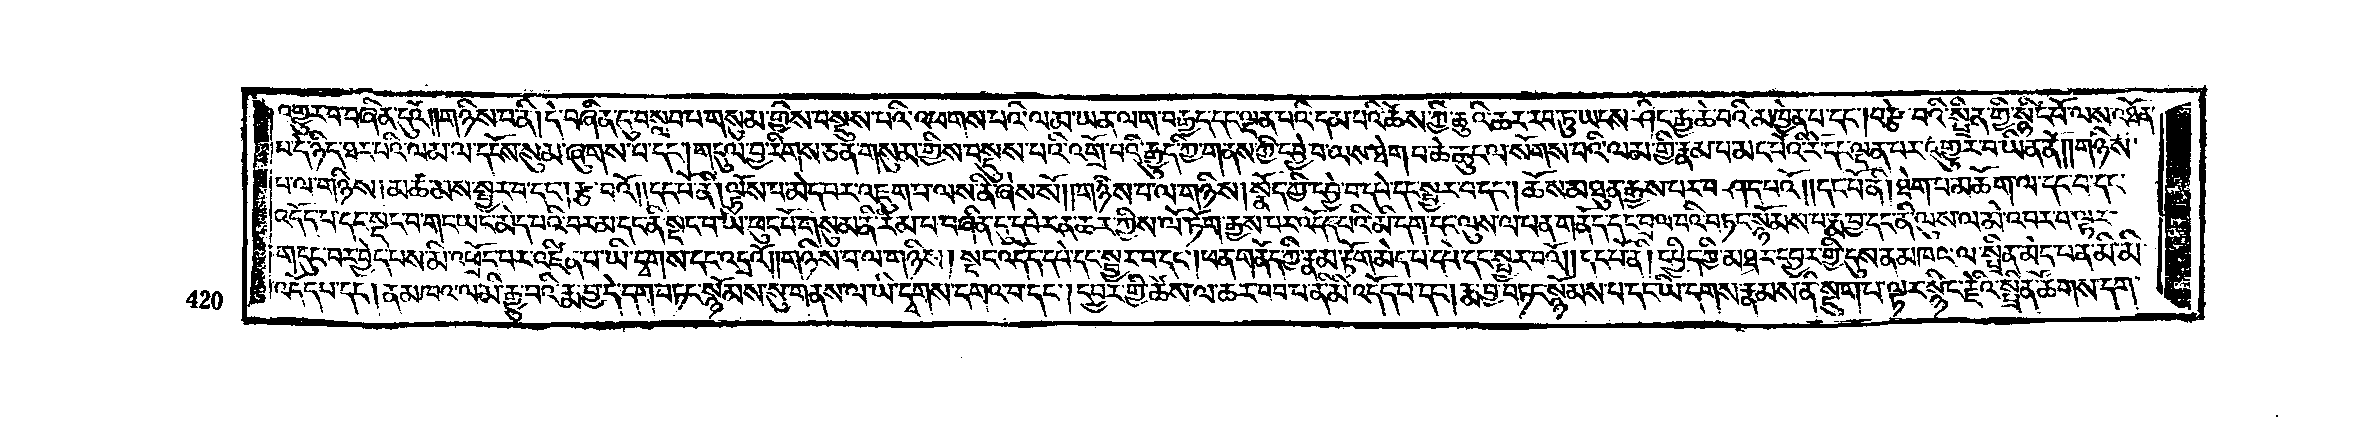འགྱུར་བ་བཞིན་དུའོ། །གཉིས་པ་ནི། དེ་བཞིན་དུ་བསླབ་པ་གསུམ་གྱིས་བསྡུས་པའི་འཕགས་པའི་ལམ་ཡན་ལག་བརྒྱད་དང་ལྡན་པའི་དམ་པའི་ཆོས་ཀྱི་ཆུའི་ཆར་རབ་ཏུ་ཡངས་ཤིང་རྒྱ་ཆེ་བའི་མཁྱེན་པ་དང་། བརྩེ་བའི་སྤྲིན་གྱི་སྙིང་པོ་ལས་འཐོན་
པ་དེ་ཉིད་ཐར་པའི་ལམ་ལ་དངོས་སུམ་ཞུགས་པ་དང་། གདུལ་བྱ་རིགས་ཅན་གསུམ་གྱིས་བསྡུས་པའི་འགྲོ་བའི་རྒྱུད་ཀྱི་གནས་ཀྱི་དབྱེ་བ་ལས་ཐེག་པ་ཆེ་ཆུང་ལ་སོགས་པའི་ལམ་གྱི་རྣམ་པ་མང་པོའི་རོ་དང་ལྡན་པར་འགྱུར་བ་ཡིན་ནོ། །གཉིས་
པ་ལ་གཉིས། མཚམས་སྦྱར་བ་དང་། རྩ་བའོ། །དང་པོ་ནི། ལྟོས་པ་མེད་པར་འཇུག་པ་ལས་ནི་ཞེས་སོ། །གཉིས་པ་ལ་གཉིས། སྣོད་ཀྱི་དབྱེ་བ་དཔེ་དང་སྦྱར་བ་དང་། ཆོས་མཐུན་རྒྱས་པར་བཤད་པའོ། །དང་པོ་ནི། ཐེག་པ་མཆོག་ལ་དང་བ་དང་
འདོད་པ་དང་སྡང་བ་གང་ཡང་མེད་པའི་བར་མ་དང་ནི་སྡང་བ་ཡི་ཕུང་པོ་གསུམ་ནི་རིམ་པ་བཞིན་དུ་དཔེར་ན་ཆར་ཀྱིས་ལོ་ཏོག་རྒྱས་པར་འདོད་པའི་མི་དག་དང་ལུས་ལ་ཕན་གནོད་དང་བྲལ་བའི་བཏང་སྙོམས་པ་རྨ་བྱ་དང་ནི་ལུས་ལ་མེ་འབར་བ་ལྟར་
གདུང་བར་བྱེད་པས་མི་འཕྲོད་བར་འཛིན་པ་ཡི་དྭགས་དང་འདྲའོ། །གཉིས་པ་ལ་གཉིས། སྡང་འདོད་དཔེ་དང་སྦྱར་བ་དང་། ཕན་གནོད་ཀྱི་རྣམ་རྟོག་མེད་པ་དཔེ་དང་སྦྱར་བའོ། །དང་པོ་ནི། དཔྱིད་ཀྱི་མཐར་དབྱར་གྱི་དུས་ནམ་མཁའ་ལ་སྤྲིན་མེད་པ་ན་མི་མི་
འདོད་པ་དང་། ནམ་མཁའ་ལ་མི་རྒྱུ་བའི་རྨ་བྱ་དེ་དག་བཏང་སྙོམས་སུ་གནས་ལ་ཡི་དྭགས་དགའ་བ་དང་། དབྱར་གྱི་ཚེས་ལ་ཆར་བབ་པ་ནི་མི་འདོད་པ་དང་། རྨ་བྱ་བཏང་སྙོམས་པ་དང་ཡི་དགས་རྣམས་ནི་སྡུག་པ་ལྟར་རྗེའི་སྤྲིན་ཚོགས་དག་